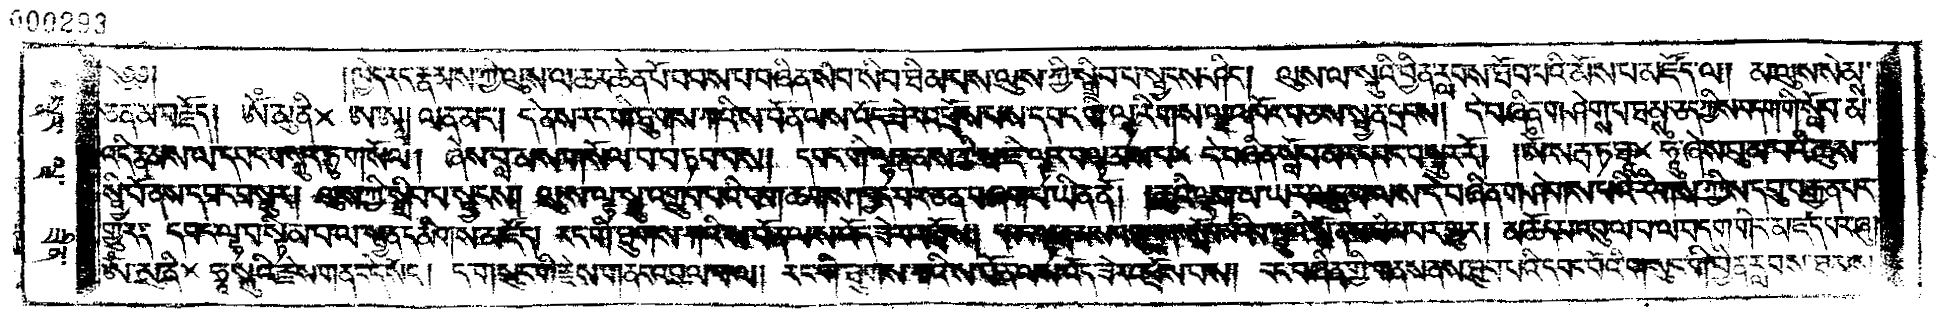༄༅། །ཁྱེད་རང་རྣམས་ཀྱི་ལུས་ལ་ཆར་ཆེན་པོ་བབས་པ་བཞིན་སིབ་སིབ་ཐིམ་པས་ལུས་ཀྱི་སྒྲིབ་པ་སྦྱངས་ཤིང་། ལུས་ལ་སྐུའི་བྱིན་རླབས་ཐོབ་པའི་མོས་པ་མཛོད་ལ། མ་ལུས་སེམས་
ཅན་མ་བརྗོད། ཨོཾ་མུ་ནི྾་ཨ་ཨཱ། ལན་མང་། དེ་ནས་རང་གི་ཐུགས་ཀའི་ས་བོན་ལས་འོད་ཟེར་འཕྲོས་པས་དབང་གི་ལྷ་རིགས་ལྔ་འཁོར་བཅས་སྤྱན་དྲངས། དེ་བཞིན་གཤེགས་པ་ཐམས་ཅད་ཀྱིས་བདག་གི་སློབ་མ་
འདི་རྣམས་ལ་དབང་བསྐུར་ཏུ་གསོལ། ཞེས་བླ་མས་གསོལ་བ་བཏབ་པས། དབང་གི་ལྷ་རྣམས་ཀྱིས་ཇི་ལྟར་བལྟམས་པ྾་དེ་བཞིན་སློབ་མར་དབང་བསྐུར་རོ། །ཨོཾ་སརྦ་ཏ་ཐཱ྾་ཧཱུཾ་ཞེས་བུམ་པའི་ཆུས་
སྤྱི་བོ་ནས་དབང་བསྐུར། ལུས་ཀྱི་སྒྲིབ་པ་སྦྱངས། ལུས་ལྷ་སྐུ་འགྲུབ་པའི་བག་ཆགས་ཁྱད་པར་ཅན་བཞག་པ་ཡིན་ནོ། །ཆུའི་ལྷག་མ་ཡར་ལུད་པ་ལས་དེ་བཞིན་གཤེགས་པའི་རིགས་ཀྱིས་དབུ་བརྒྱན་པར་
གྱུར༑ དབང་ལྷ་བསྟིམ་པ་ལ་སྤྱན་དམིགས་མཛོད། རང་གི་ཐུགས་ཀའི་ས་བོན་ལས་འོད་ཟེར་འཕྲོས། དབང་ལྷ་རྣམས་འགུགས་ནས་སློབ་མའི་བ་སྤུའི་སྒོ་ནས་ཐིམ་པར་གྱུར། མཆོད་པ་འབུལ་བ་ལ་བདག་གིར་མཛད་པར་ཞུ་
ཨོཾ་མུ་ནི྾་ཧཱ་སྐུའི་རྗེས་གནང་དེ་སོང་། དེ་གསུང་གི་རྗེས་གནང་འབུལ་བ་ལ། རང་གི་ཐུགས་ཀའི་ས་བོན་ལས་འོད་ཟེར་འཕྲོས་པས། རང་བཞིན་གྱི་གནས་ནས་ཐུབ་པའི་དབང་པོའི་གསུང་གི་བྱིན་རླབས་ཐམས་